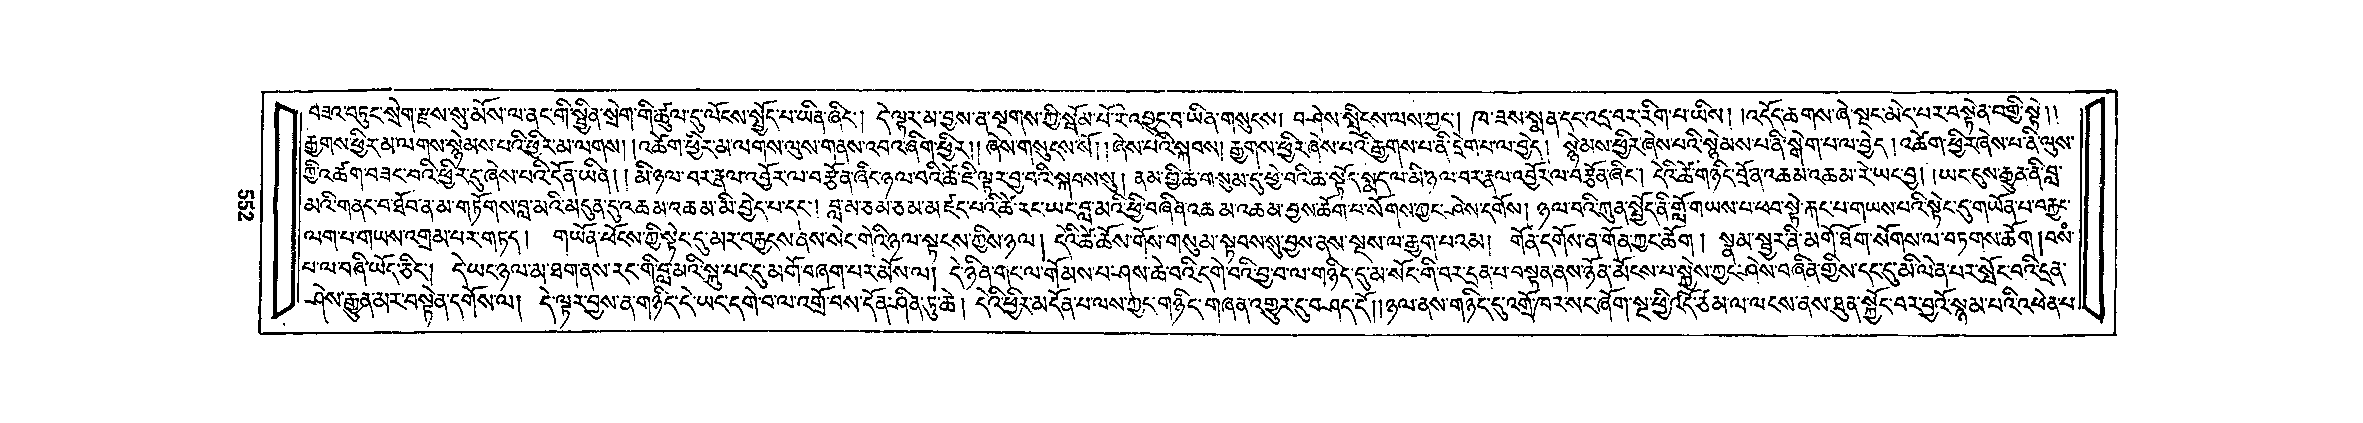བཟའ་བཏུང་སྲེག་རྫས་སུ་མོས་ལ་ནང་གི་སྦྱིན་སྲེག་གི་ཚུལ་དུ་ལོངས་སྤྱོད་པ་ཡིན་ཞིང་། དེ་ལྟར་མ་བྱས་ན་སྔགས་ཀྱི་སྦོམ་པོ་རེ་འབྱུང་བ་ཡིན་གསུངས། བཤེས་སྤྲིངས་ལས་ཀྱང་། ཁ་ཟས་སྨན་དང་འདྲ་བར་རིག་པ་ཡིས། །འདོད་ཆགས་ཞེ་སྡང་མེད་པར་བསྟེན་བགྱི་སྟེ། །
རྒྱགས་ཕྱིར་མ་ལགས་སྙེམས་པའི་ཕྱིར་མ་ལགས། །འཚེག་ཕྱིར་མ་ལགས་ལུས་གནས་འབའ་ཞིག་ཕྱིར། །ཞེས་གསུངས་སོ། །ཞེས་པའི་སྐབས། རྒྱགས་ཕྱིར་ཞེས་པའི་རྒྱགས་པ་ནི་དྲེག་པ་ལ་བྱེད། སྙེམས་ཕྱིར་ཞེས་པའི་སྙེམས་པ་ནི་སྒེག་པ་ལ་བྱེད། འཚེག་ཕྱིར་ཞེས་པ་ནི་ལུས་
ཀྱི་འཚག་བཟང་བའི་ཕྱིར་དུ་ཞེས་པའི་དོན་ཡིན། །མི་ཉལ་བར་རྣལ་འབྱོར་ལ་བརྩོན་ཞིང་ཉལ་བའི་ཚེ་ཇི་ལྟར་བྱ་བའི་སྐབས་སུ། ནམ་གྱི་ཆ་གསུམ་དུ་ཕྱེ་བའི་ཆ་སྟོད་སྨད་ལ་མི་ཉལ་བར་རྣལ་འབྱོར་ལ་བརྩོན་ཞིང་། དེའི་ཚེ་གཉིད་བྲོ་ན་འཆམ་འཆམ་རེ་ཡང་བྱ། །ཡང་དུས་རྒྱུན་ནི་བླ་
མའི་གནང་བ་ཐོབ་ན་མ་གཏོགས་བླ་མའི་མདུན་དུ་འཆམ་འཆམ་མི་བྱེད་པ་དང་། བླ་མ་ཅམ་ཅམ་མཛད་པའི་ཚེ་རང་ཡང་བླ་མའི་ཕྱི་བཞིན་འཆམ་འཆམ་བྱས་ཆོག་པ་སོགས་ཀྱང་ཤེས་དགོས། ཉལ་བའི་ཀུན་སྤྱོད་ནི་གློ་གཡས་པ་ཕབ་སྟེ་རྐང་པ་གཡས་པའི་སྟེང་དུ་གཡོན་པ་བརྐྱང་
ལག་པ་གཡས་འགྲམ་པར་གཏད། གཡོན་ཕོངས་ཀྱི་སྟེང་དུ་མར་བརྐྱངས་ནས་སེང་གེའི་ཉལ་སྟངས་ཀྱིས་ཉལ། དེའི་ཚེ་ཆོས་གོས་གསུམ་སྟབས་སུ་བྱས་ནས་སྡས་ལ་རྒྱག་པའམ། གོན་དགོས་ན་གོན་ཀྱང་ཆོག །སྣམ་སྦྱར་ནི་མགོ་ཐོག་སོགས་ལ་བཏགས་ཆོག །བསམ་
པ་ལ་བཞི་ཡོད་ཅིང་། དེ་ཡང་ཉལ་མ་ཐག་ནས་རང་གི་བླ་མའི་སྐུ་པང་དུ་མགོ་བཞག་པར་མོས་ལ། དེ་ཉིན་གང་ལ་གོམས་པ་ཤས་ཆེ་བའི་དགེ་བའི་བྱ་བ་ལ་གཉིད་དུ་མ་སོང་གི་བར་དྲན་པ་བསྟན་ནས་ཉོན་མོངས་པ་སྐྱེས་ཀྱང་ཤེས་བཞིན་གྱིས་དང་དུ་མི་ལེན་པར་སྤོང་བའི་དྲན་
ཤེས་རྒྱུན་མར་བསྟེན་དགོས་ལ། དེ་ལྟར་བྱས་ན་གཉིད་དེ་ཡང་དགེ་བ་ལ་འགྲོ་བས་དོན་ཤིན་ཏུ་ཆེ། དེའི་ཕྱིར་མདོན་པ་ལས་ཀྱང་གཉིད་གཞན་འགྱུར་དུ་བཤད་དོ། །ཉལ་ནས་གཉིད་དུ་འགྲོ་ཁར་སང་ཞོག་སྔ་ཕྱི་འདི་ཙམ་ལ་ལངས་ནས་ཐུན་སྐྱོང་བར་བྱའོ་སྙམ་པའི་འཕེན་པ་